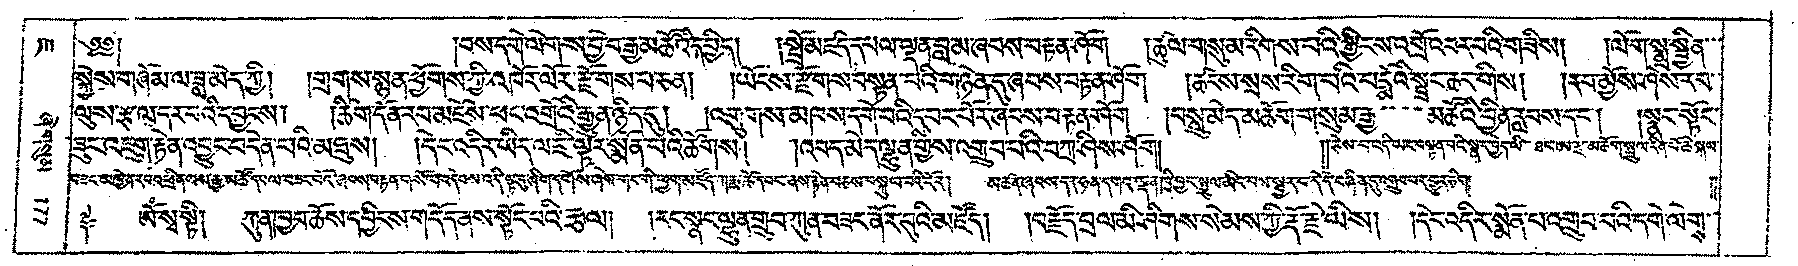།བས་དགེ་ལེགས་བྱེ་བ་རྒྱ་མཚོའི་དཔྱིད། །སྤྲོ་མཛད་དཔལ་ལྡན་བླ་མ་ཞབས་བརྟན་ཤོག །ཚུལ་གསུམ་རིགས་པའི་སྒྱིངས་འགྲོ་འབར་བའི་གཟིས། །ལོག་སྨྲ་སྦྱིན་
སྐྱེས་གཞོམ་ལ་ཟླ་མེད་ཀྱི། །གྲགས་སྙན་ཕྱོགས་ཀྱི་འཁོར་ལོར་རྫོགས་པ་ཅན། །ཡོངས་རྫོགས་བསྟན་པའི་གཉེན་དུ་ཞབས་བརྟན་ཤོག །ཚངས་སྲས་རིག་པའི་པདམོའི་སྦྲང་ཆང་གིས། །རབ་མྱོས་ཤེས་རབ་
ལུས་རྩལ་དར་བའི་དབྱངས། །ཚིག་དོན་རབ་མཛེས་ཕང་འགྲོའི་རྒྱུན་ཉིད་དུ། །འགུགས་མཁས་དགེ་བའི་དབང་པོར་ཞབས་བརྟན་ཤོག །བསླུ་མེད་མཆོག་གསུམ་རྒྱ་མཚོའི་བྱིན་རླབས་དང་། །སྣང་སྟོང་
ཟུང་འཇུག་རྟེན་འབྱུང་བདེན་པའི་མཐུས། །དེང་འདིར་ཡིད་ལ་ཇི་ལྟར་སྨོན་པའི་ཚོགས། །འབད་མེད་ལྷུན་གྱིས་འགྲུབ་པའི་བཀྲ་ཤིས་ཤོག ། །།ཅེས་པ་འདི་ཡང་བསྟན་པའི་སྣང་བྱེད་ལི་ཐང་ཨ་རྫ་མཆོག་སྤྲུལ་རིན་པོ་ཆེ་སྐལ་
བཟང་མཁྱེན་རབ་འཕྲིན་ལས་རྒྱ་མཚོ་དཔལ་བཟང་པོའི་ཞབས་བརྟན་གསོལ་འདེབས་འདི་ལྟ་བུ་ཞིག་དགོས་ཞེས་གང་གི་ཕྱག་མཛོད་ཀརྨ་ཚེ་དབང་ནས་རྟེན་བཅས་བསྐུལ་བའི་ངོར། མཚན་ཞབས་དར་ཧན་དགའ་ལྡན་ཁྲི་བྱང་སྤྲུལ་མིང་པས་སྦྱར་བ་དེ་དེ་བཞིན་དུ་འགྲུབ་པར་གྱུར་ཅིག ། །།
༈ ཨོཾ་སྭ་སྟི། ཀུན་ཁྱབ་ཆོས་དབྱིངས་གདོད་ནས་སྟོང་པའི་རྩལ། །རང་སྣང་ལྷུན་གྲུབ་ཀུན་བཟང་ནོར་བུའི་མཛོད། །བརྗོད་བྲལ་མི་ཤིགས་སེམས་ཀྱི་རྡོ་རྗེ་ཡིས། །དེང་འདིར་སྨོན་པ་འགྲུབ་པའི་དགེ་ལེགས་